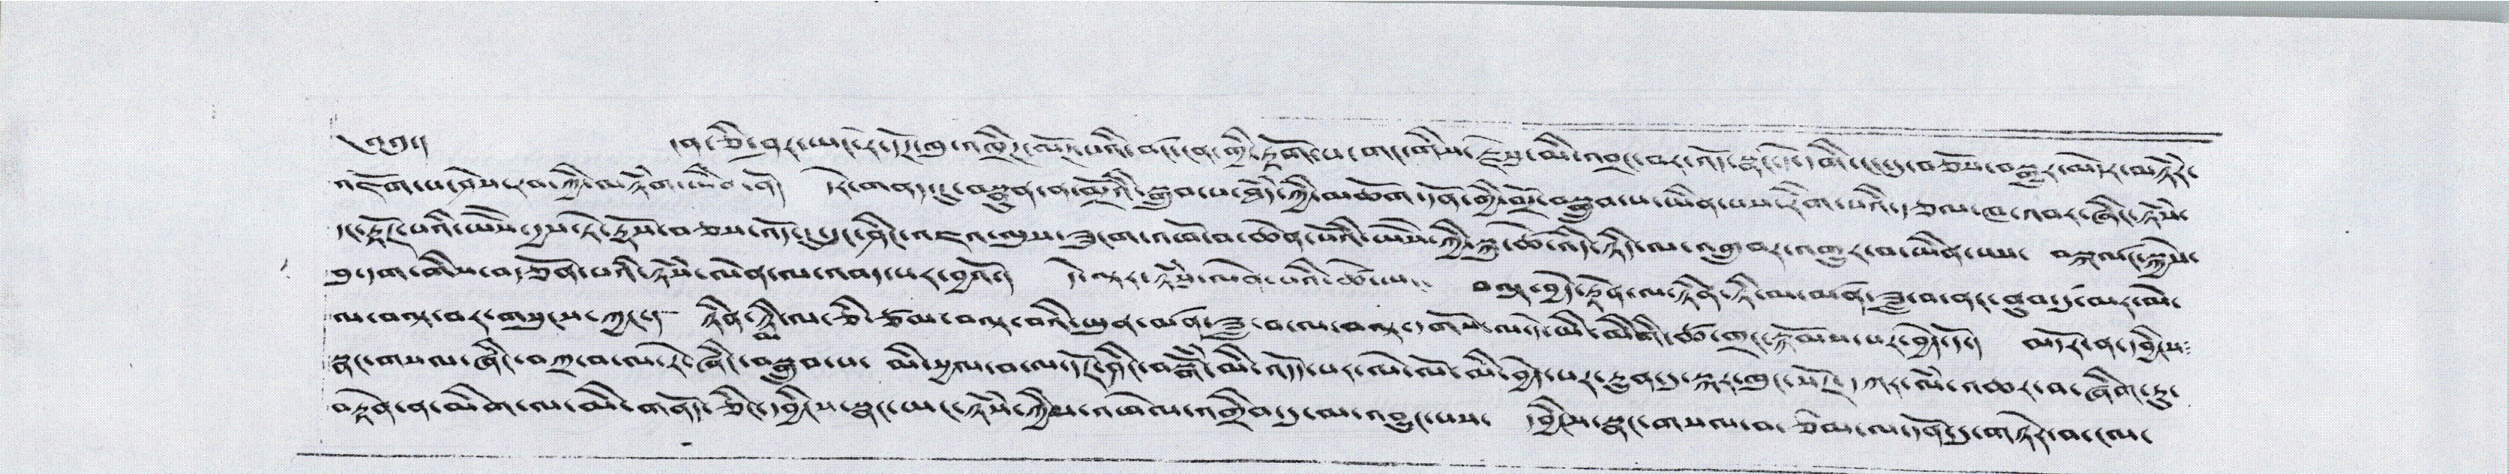ངན་ཅི་ཤར་ཡང་རེ་དྭོགས་འཁུ་འཕྲིག་ལ་སོགས་པའི་བཟང་ངན་གྱི་རྟོག་པ་གང་གི་རྗེས་སུ་མི་འབྲང་བར་འོད་སྣང་དེ་གའི་ངང་དུ་བཅོས་བསྒྱུར་མེད་པར་མཉམ་པར་
འཇོག་པ་ནི་ཤེས་རབ་ཀྱི་མཉམ་གཞག་ཡིན་ནོ། དེར་གནད་དུ་བསྣུན་ན་མཁའ་འགྲོའི་སྒྲུབ་པ་ཐམས་ཅད་ཀྱི་མཆོག་དོན་གྱི་མཁའ་འགྲོ་བསྒྲུབ་པ་ཡིན་པས་རིག་པའི་རྩལ་ཁ་འབར་ཞིང་ཉམས་
དང་རྟོགས་པའི་ཡེ་ཤེས་རྒྱས་ཏེ་གདོས་བཅས་འོད་དུ་དེངས་ཤིང་འཇའ་ལུས་ཟུང་འཇུག་འཕོ་བ་ཆེན་པོའི་ཡེ་ཤེས་ཀྱི་སྐུ་ཚེ་འདི་ཉིད་དུ་འགྲུབ་པར་འགྱུར་བ་ཡིན་པས། སྐལ་བཟང་སྐྱེས་
བུ་དག་གིས་བརྩོན་པའི་ཉམས་ལེན་ལ་འབད་པར་བྱའོ། དེ་ལྟར་ཉམས་སུ་ལེན་པའི་ཚེ་ཡང་། ལྟ་བྱེད་རྟེན་ལ་ཉིན་ཉི་མ་མཚན་ཟླ་བ་ནང་ནུབ་ཏུ་མར་མེ་
ལ་ལྟ་བར་གསུངས་ཀྱང་། ཉིན་ཉི་མ་ལ་ཅི་ཙམ་ལྟ་བའི་ཡུན་མཚན་ཟླ་བ་ལ་བལྟ་དགོས་ལ། དེ་ཡིས་མིག་གི་ཚ་གྲང་སྙོམས་པར་བྱེད་དོ། མདོར་ན་དབྱིངས་
སྣང་གསལ་ཞིང་བཀྲ་བ་ལ་རེ་ཞིང་བསྒྲུབ་པ་མི་གསལ་བ་ལ་དྭོགས་ཤིང་བསྒོམ་མི་འདོད་པར་ལེ་ལོ་མི་བྱེད་པར་རྒྱུན་དུ་སྐར་ཁུང་སོགས་དཀར་ལམ་འཆར་བ་ཞིག་ཏུ་
བསྟེན་ན་མིག་ལ་མི་གནོད་ཅིང་དབྱིངས་སྣང་ཡང་ཉམས་ཀྱི་འཕེལ་འགྲིབ་དུ་མ་འབྱུང་བས། དབྱིངས་སྣང་གསལ་བ་ཙམ་ལ་དོན་དུ་གཉེར་བ་ངལ་